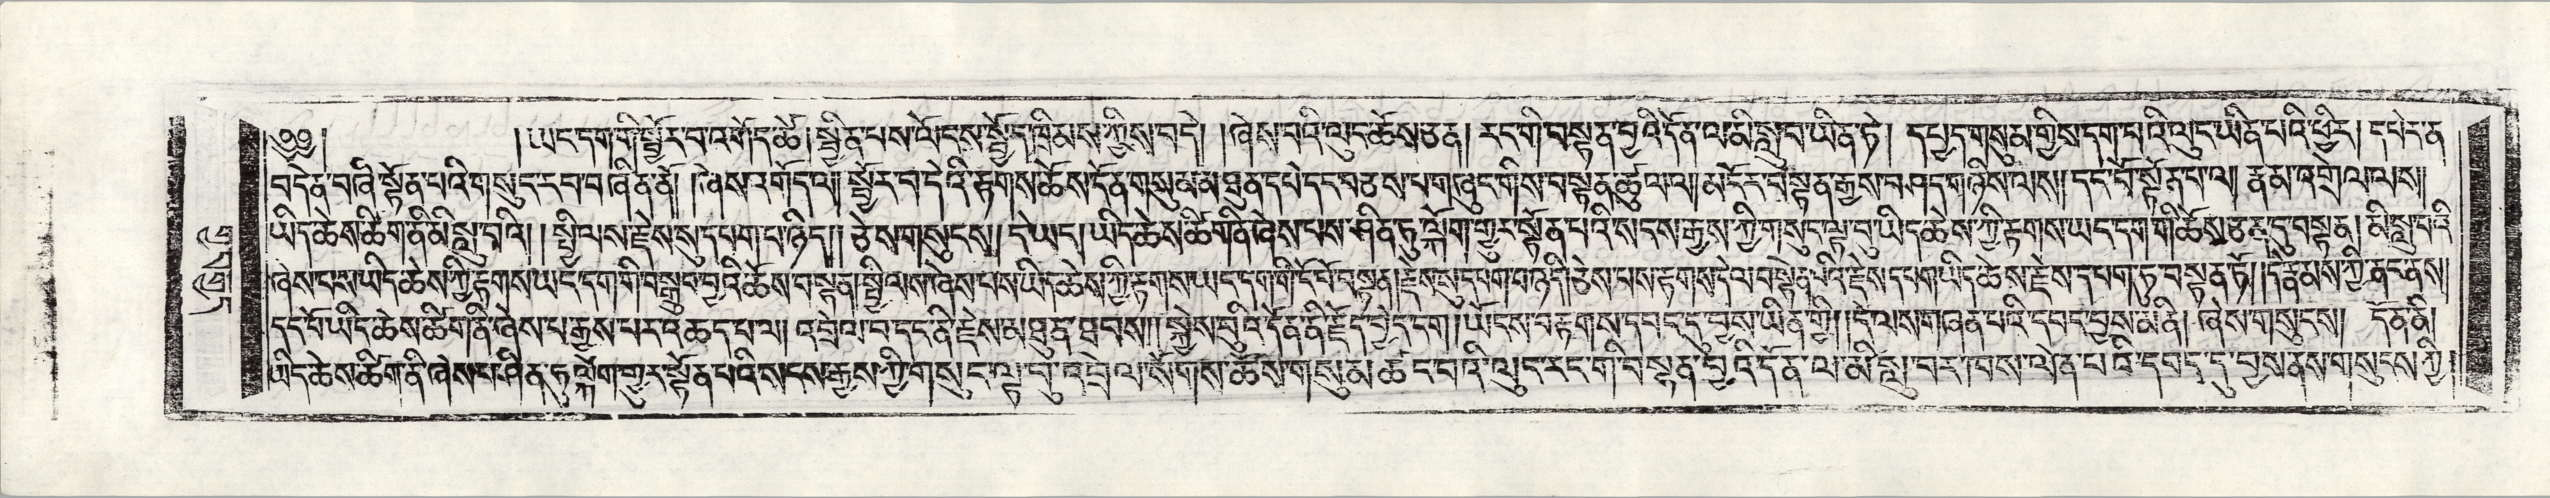༄༅། །ཡང་དག་གི་སྦྱོར་བ་འགོད་ཚེ། སྦྱིན་པས་ལོངས་སྤྱོད་ཁྲིམས་ཀྱིས་བདེ། །ཞེས་པའི་ལུང་ཆོས་ཅན། རང་གི་བསྟན་བྱའི་དོན་ལ་མི་སླུ་བ་ཡིན་ཏེ། དཔྱད་གསུམ་གྱིས་དག་པའི་ལུང་ཡིན་པའི་ཕྱིར། དཔེར་ན།
བདེན་བཞི་སྟོན་པའི་གསུང་རབ་བཞིན་ནོ། །ཞེས་འགོད་ལ། སྦྱོར་བ་དེའི་རྟགས་ཆོས་དོན་གསུམ་མཐུན་དཔེ་དང་བཅས་པ་གཞུང་གིས་བསྟན་ཚུལ་ལ། མདོར་བསྟན་རྒྱས་བཤད་གཉིས་ལས། དང་པོ་སྟོན་པ་ལ། རྣམ་འགྲེལ་ལས།
ཡིད་ཆེས་ཚིག་ནི་མི་སླུ་བའི། །སྤྱི་ལས་རྗེས་སུ་དཔག་པ་ཉིད། །ཅེས་གསུངས། དེ་ཡང་། ཡིད་ཆེས་ཚིག་ནི་ཞེས་པས་ཤིན་ཏུ་ལྐོག་གྱུར་སྟོན་པའི་སངས་རྒྱས་ཀྱི་གསུང་ལྟ་བུ་ཡིད་ཆེས་ཀྱི་རྟགས་ཡང་དག་གི་ཆོས་ཅན་དུ་བསྟན། མི་སླུ་བའི་
ཞེས་པས་ཡིད་ཆེས་ཀྱི་རྟགས་ཡང་དག་གི་བསྒྲུབ་བྱའི་ཆོས་བསྟན། སྤྱི་ལས་ཞེས་པས་ཡིད་ཆེས་ཀྱི་རྟགས་ཡང་དག་གི་ངོ་བོ་བསྟན། རྗེས་སུ་དཔག་པ་ཉིད། ཅེས་པས་རྟགས་དེ་ལ་བསྟེན་པའི་རྗེས་དཔག་ཡིད་ཆེས་རྗེས་དཔག་ཏུ་བསྟན་ཏོ། །དེ་རྣམས་ཀྱི་ནང་ནས།
དང་པོ་ཡིད་ཆེས་ཚིག་ནི་ཞེས་པ་རྒྱས་པར་འཆད་པ་ལ། འབྲེལ་བ་དང་ནི་རྗེས་མཐུན་ཐབས། །སྐྱེས་བུའི་དོན་ནི་རྗོད་བྱེད་ངག །ཡོངས་བརྟགས་དབང་དུ་བྱས་ཡིན་གྱི། །དེ་ལས་གཞན་པའི་དབང་བྱས་མིན། ཞེས་གསུངས། དོན་ནི།
ཡིད་ཆེས་ཚིག་ནི་ཞེས་པ་ཤིན་ཏུ་ལྐོག་གྱུར་སྟོན་པའི་སངས་རྒྱས་ཀྱི་གསུང་ལྟ་བུ་འབྲེལ་སོགས་ཆོས་གསུམ་ཚང་བའི་ལུང་རང་གི་བསྟན་བྱའི་དོན་ལ་མི་སླུ་བར་ཁས་ལེན་པའི་དབང་དུ་བྱས་ནས་གསུངས་ཀྱི།